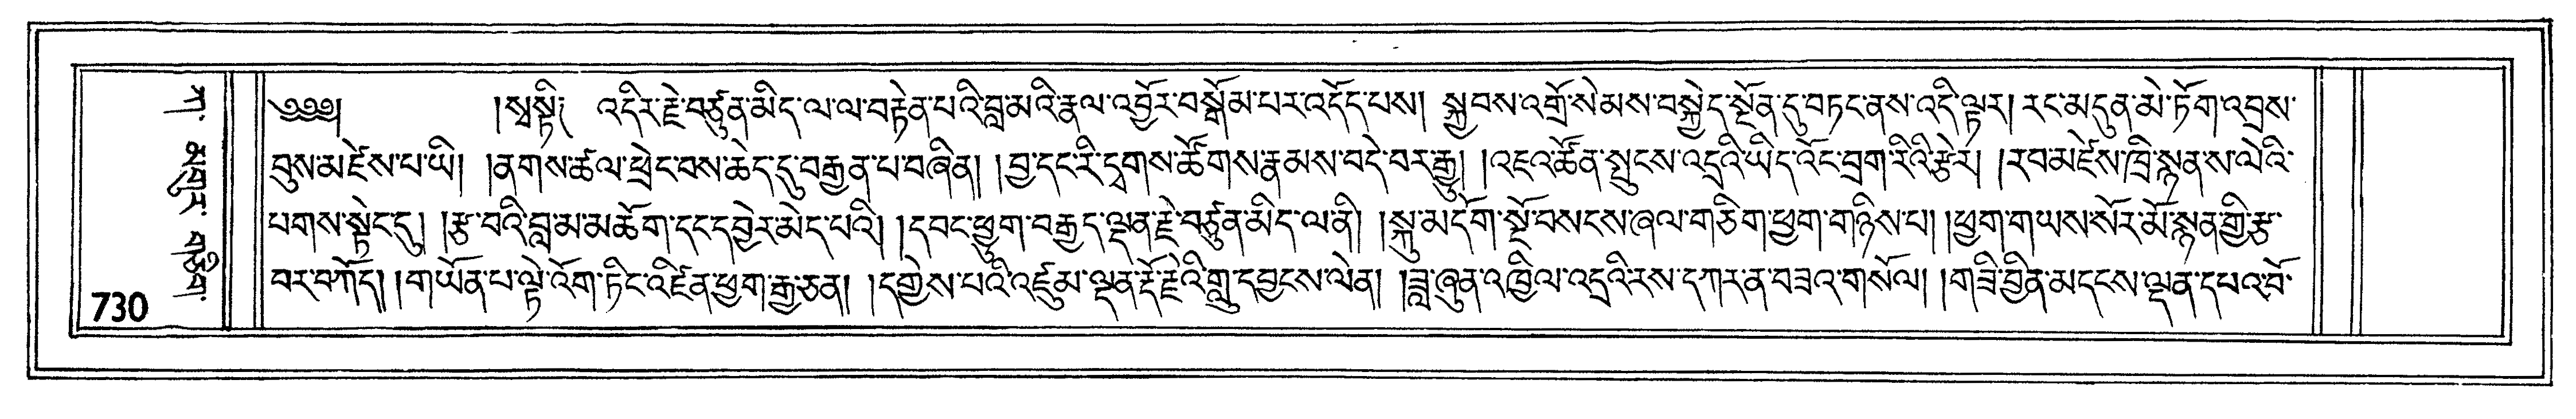༄༅༅། །སྭ་སྟི༑ འདིར་རྗེ་བཙུན་མིད་ལ་ལ་བརྟེན་པའི་བླ་མའི་རྣལ་འབྱོར་བསྒོམ་པར་འདོད་པས། སྐྱབས་འགྲོ་སེམས་བསྐྱེད་སྔོན་དུ་བཏང་ནས་འདི་ལྟར། རང་མདུན་མེ་ཏོག་འབྲས་
བུས་མཛེས་པ་ཡི། །ནགས་ཚལ་ཕྲེང་བས་ཆེད་དུ་བརྒྱན་པ་བཞིན། །བྱ་དང་རི་དྭགས་ཚོགས་རྣམས་བདེ་བར་རྒྱུ། །འཇའ་ཚོན་སྤུངས་འདྲའི་ཡིད་འོང་བྲག་རིའི་རྩེར། །རབ་མཛེས་ཁྲི་སྙན་ས་ལེའི་
པགས་སྟེང་དུ། །རྩ་བའི་བླ་མ་མཆོག་དང་དབྱེར་མེད་པའི། །དབང་ཕྱུག་བརྒྱད་ལྡན་རྗེ་བཙུན་མིད་ལ་ནི། །སྐུ་མདོག་སྔོ་བསངས་ཞལ་གཅིག་ཕྱག་གཉིས་པ། །ཕྱག་གཡས་སོར་མོ་སྙན་གྱི་རྩ་
བར་བཀོད། །གཡོན་པ་ལྟེ་འོག་ཏིང་འཛིན་ཕྱག་རྒྱ་ཅན། །དགྱེས་པའི་འཛུམ་ལྡན་རྡོ་རྗེའི་གླུ་དབྱངས་ལེན། །ཟླ་ཞུན་འཁྱིལ་འདྲའི་རས་དཀར་ན་བཟའ་གསོལ། །གཟི་བྱིན་མདངས་ལྡན་དཔའ་བོ་